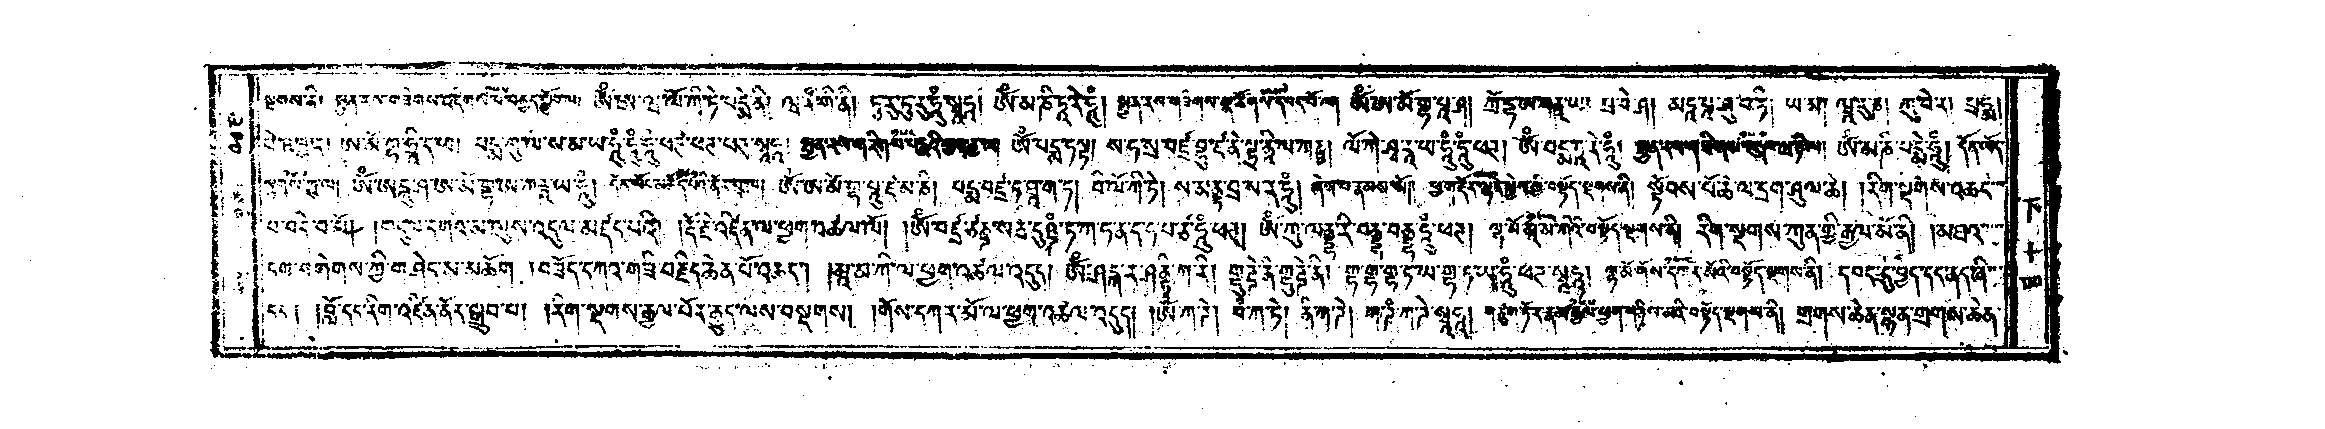སྔགས་ནི། སྤྱན་རས་གཟིགས་འཇིགས་པ༡༥༦་བརྒྱད་སྐྱོབ་ལ། ཨོཾ་ཨ་ཝ་ལོ་ཀི་ཏེ་པདམེ་ནི། ཝ་རཾ་གི་ནི། ཏུ་རུ་ཏུ་རུ་ཧཱུཾ་སྭཱཧཱ། ཨོཾ་མ་ཎི་ཏཱ་རེ་ཧཱུཾ། སྤྱན་རས་གཟིགས་སྣ་ཚོགས༡༥༧་དབང་པོ་ལ། ཨོཾ་ཨ་མོ་གྷ་པཱ་ཤ། ཀྲོ་དྷ་ཨ་ཀརྵ་ཡ། པྲ་བེ་ཤ། མཧཱ་པཱ་ཤུ་བ་ཏི། ཡ་མ། ཝཱ་རུ་ཎ། ཀུ་བེ་ར། པྲཧྨ།
བེ་ཥ་དྷ་ར། ཨ་མོ་གྷ་ཧྲཱི་ད་ཡ། པདམ་ཀུ་ལ་ས་མ་ཡ་ཧཱུཾ་ཧཱུཾ་ཧཱུཾ་ཕཊ་ཕཊ་ཕཊ་སྭཱཧཱ། སྤྱན་རས་གཟིགས༡༥༨་པདམའི་ཕྱག་རྒྱ་ལ། ཨོཾ་པདམ་ཧསྟ། ས་ཧ་སྲ་བཛྲ་བྷུ་ཛ་ནེ་སྟྲ་ནཱི་ལ་ཀཎཊཿཨ། ལོ་ཀེ་ཤྭ་རཱ་ཡ་ཧཱུཾ་ཧཱུཾ་ཕཊ། ཨོཾ་པདམ་ཏཱ་རེ་ཧཱུཾ། སྤྱན་རས་གཟིགས་སུ༡༥༩་ཁ་ཝ་ཏི་ལ། ཨོཾ་མ་ཎི་པདམེ་ཧཱུཾ། དོན་ཡོད་
ལྕགས༡༦༠་ཀྱུ་ལ། ཨོཾ་ཨངྐུ་ཤ་ཨ་མོ་གྷ་ཨ་ཀརྵ་ཡ་ཧཱུཾ། དོན་ཡོད་མཆོད༡༦༡་པའི་ནོར་བུ་ལ། ཨོཾ་ཨ་མོ་གྷ་པཱུ་ཛ་མ་ཎི། པདམ་བཛྲ་ཏ་ཐཱ་ག་ཏ། བི་ལོ་ཀི་ཏེ། ས་མནྟ་པྲ་ས་ར་ཧཱུཾ། ཞེས་པ་རྣམས་སོ།། ཕྱག་རྡོར༡༦༢་ལྷན་སྐྱེས་ཀྱི་བསྟོད་སྔགས་ནི། སྟོབས་པོ་ཆེ་ལ་དྲག་ཤུལ་ཆེ། །རིག་སྔགས་འཆང་
བ་བདེ་བ་པོ། །གདུལ་དཀའ་མ་ལུས་འདུལ་མཛད་པའི། །རྡོ་རྗེ་འཛིན་ལ་ཕྱག་འཚལ་ལོ། །ཨོཾ་བཛྲ་ཙཎྜ་སརྦ་དུཥྜཾ་ཏ་ཀ་ཧ་ན་ད་ཧ་པ་ཙ་ཧཱུཾ་ཕཊ། ཨོཾ་ཀུ་ལནྡྷ་རི་བནྡྷ་བནྡྷ་ཧཱུཾ་ཕཊ། ལྷ་མོ་མཱ་མ༡༦༣་ཀིའི་བསྟོད་སྔགས་ནི། རིག་སྔགས་ཀུན་གྱི་རྒྱལ་མོ་ནི། །མཐའ་
དག་བགེགས་ཀྱི་གཤེད་མ་མཆོག །བཟོད་དཀའ་གཟི་བརྗིད་ཆེན་པོ་འཆང་། །མཱ་མ་ཀི་ལ་ཕྱག་འཚལ་འདུད། ཨོཾ་ཤངྐ་ར་ཤནྟི་ཀ་རི། གྷུཌྜེ་ནི་གྷུཌྜེ་ནི། གྷ་གྷ་གྷ་ཏ་ཡ་གྷ་ཏ་ཡ་ཧཱུཾ་ཕཊ་སྭཱཧཱ། ལྷ་མོ་གོས་དཀར༡༦༤་མོའི་བསྟོད་སྔགས་ནི། དབང་དུ་བྱེད་དང་ནད་ཞི་
དང་། །བློ་དང་རིག་འཛིན་ནོར་སྒྲུབ་པ། །རིག་སྔགས་རྒྱལ་པོར་རྒྱུད་ལས་བསྔགས། །གོས་དཀར་མོ་ལ་ཕྱག་འཚལ་འདུད། །ཨོཾ་ཀ་ཌེ། བཾ་ཀ་ཏེ། ནི་ཀ་ཌེ། ཀ་ཌཾ་ཀ་ཌེ་སྭཱཧཱ། གཙུག་ཏོར་རྣམ་རྒྱལ༡༦༥་ཕྱག་གཉིས་མའི་བསྟོད་སྔགས་ནི། གྲགས་ཆེན་སྙན་གྲགས་ཆེན་